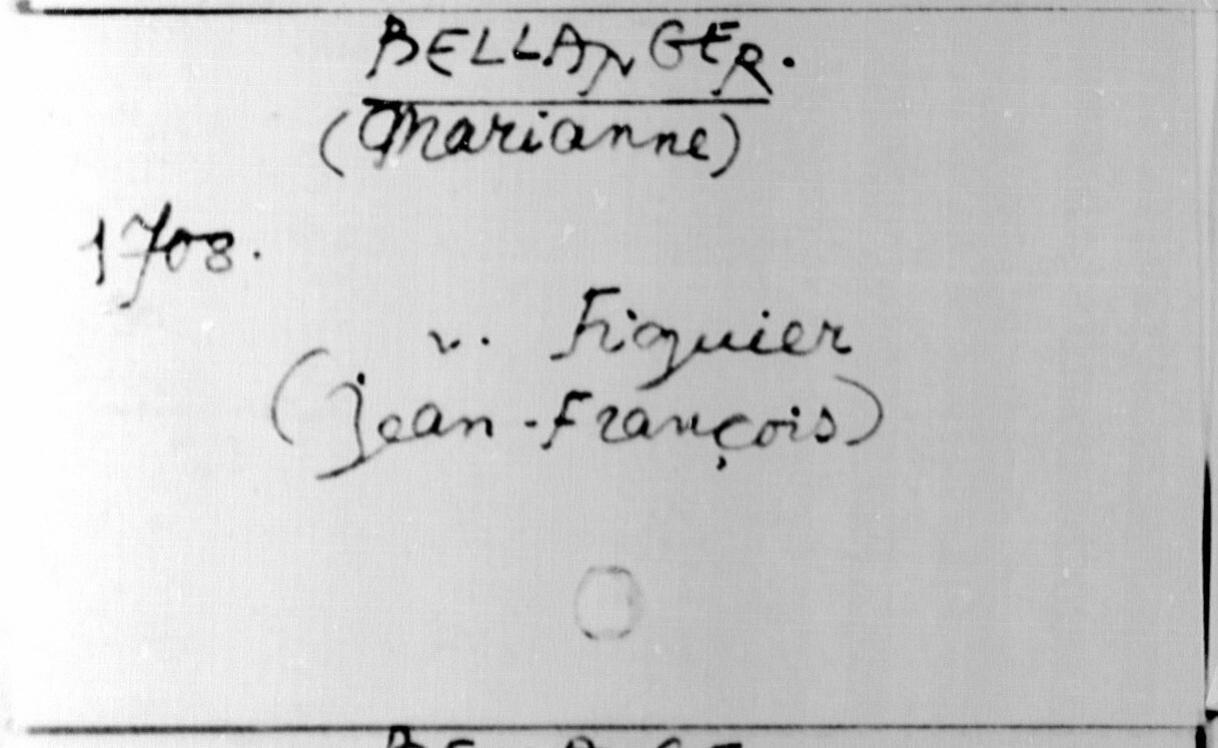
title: BELLANGER (Marianne)
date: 1708
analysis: Voir FIGUIER (Jean-François)
